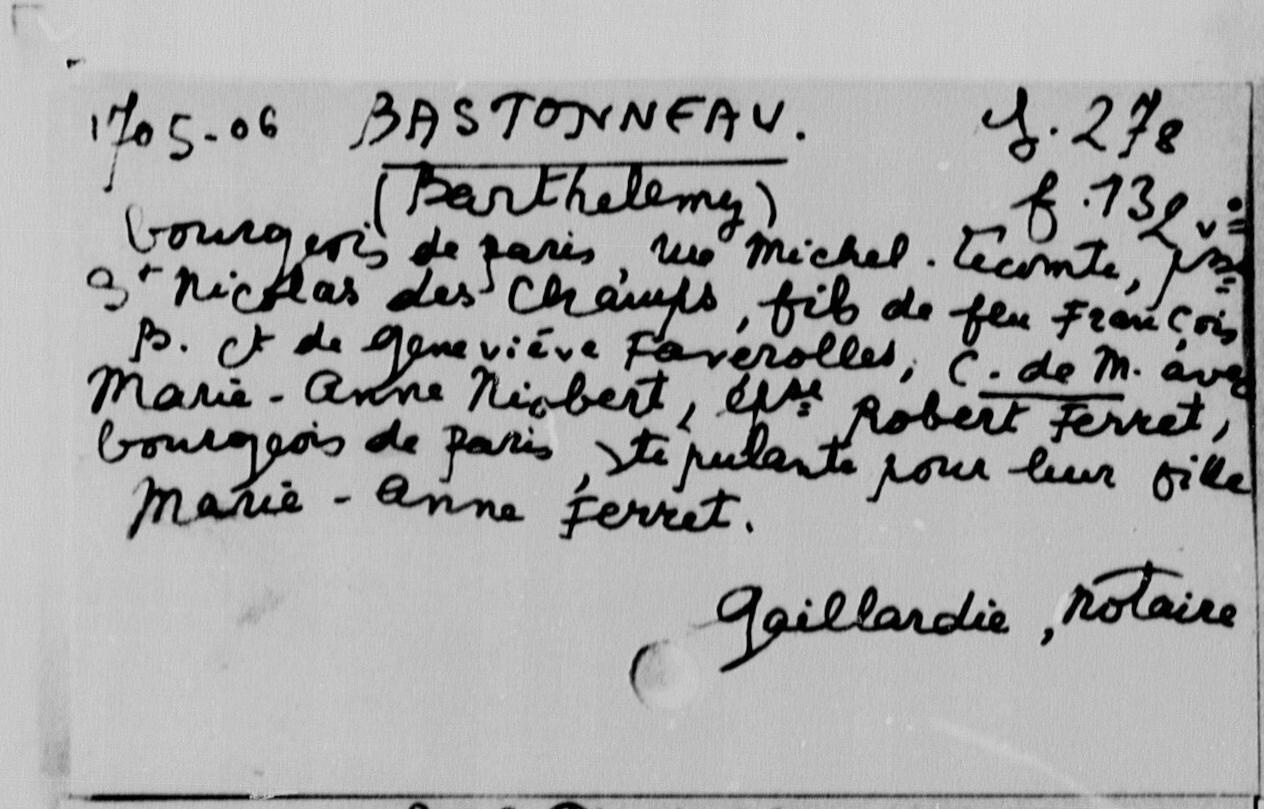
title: BASTONNEAU (Barthélémy)
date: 1705-1706
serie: Y
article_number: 278
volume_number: fol. 132 verso
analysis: bourgeois de Paris, rue Michel-Lecomte, paroisse Saint Nicolas des Champs, fils de feu François Bastonneau et de Geneviève Faverolles. Contrat de mariage avec Marie-Anne Niobert, épouse Robert Ferret, bourgeois de Paris, stipulante pour leur fille Marie-Anne Ferret Gaillardie, notaire
